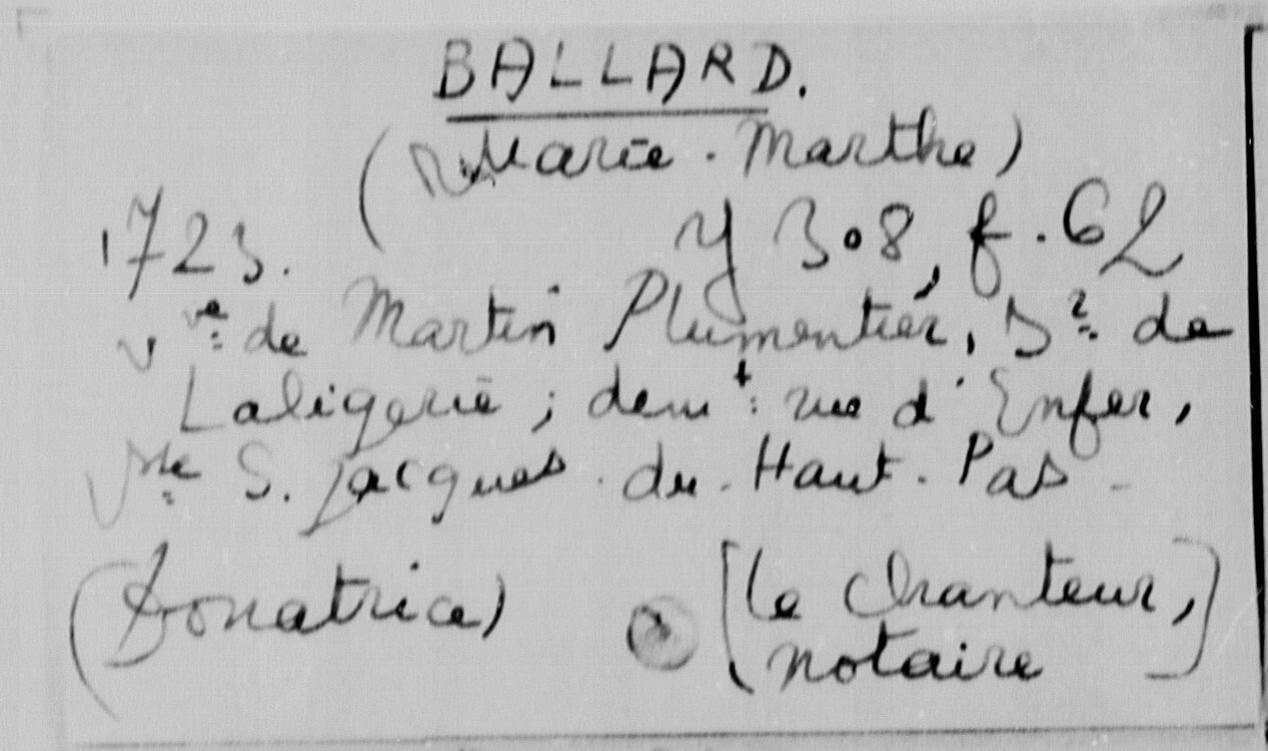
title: BALLARD (Marie-Marthe)
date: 1723
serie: Y
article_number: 308
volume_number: folio 62
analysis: Veuve de Martin PLUMENTIER, seigneur de Laligerie, demeurant rue d'Enfer, paroisse Saint-Jacques-du-Haut-Pas. Donatrice Le Chanteur, notaire
